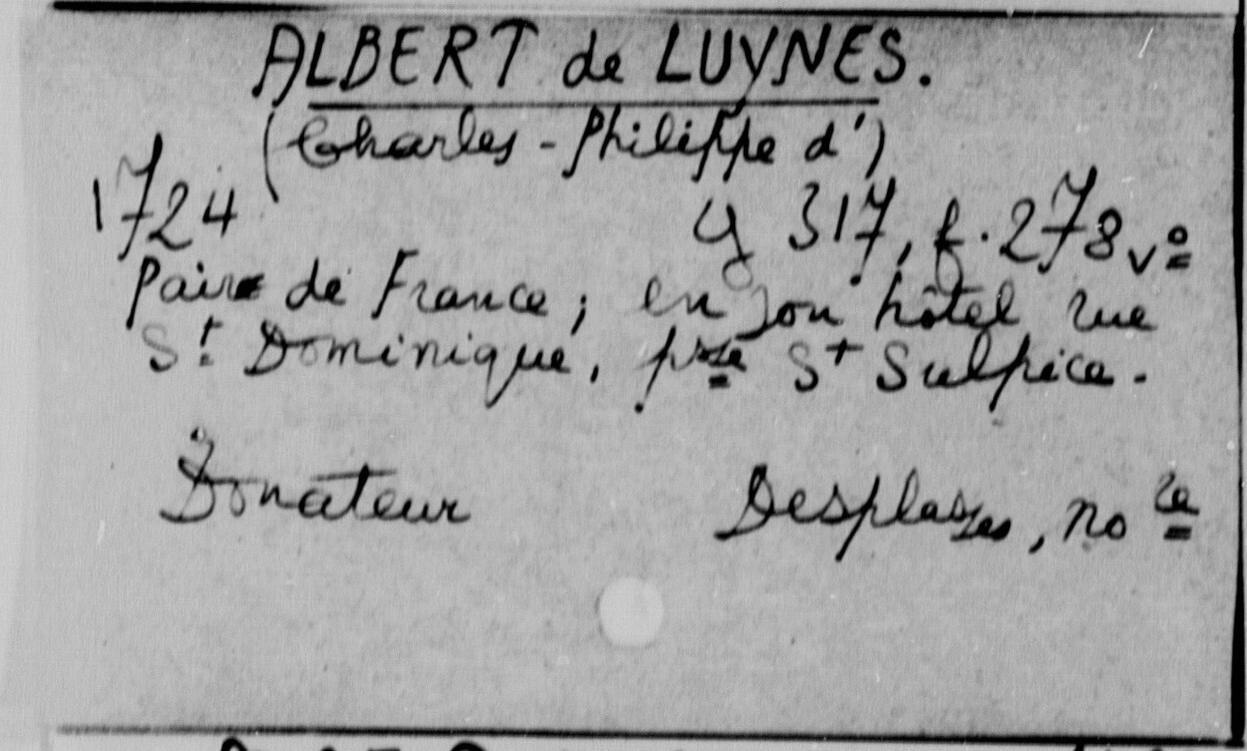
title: ALBERT de LUYNES (Charles-Philippe d')
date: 1724
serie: Y
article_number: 317
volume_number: fol. 278v
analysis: Pair de France ; en son hôtel rue Saint-Dominique, paroisse Saint-Sulpice. Donateur. Desplasses, notaire.
